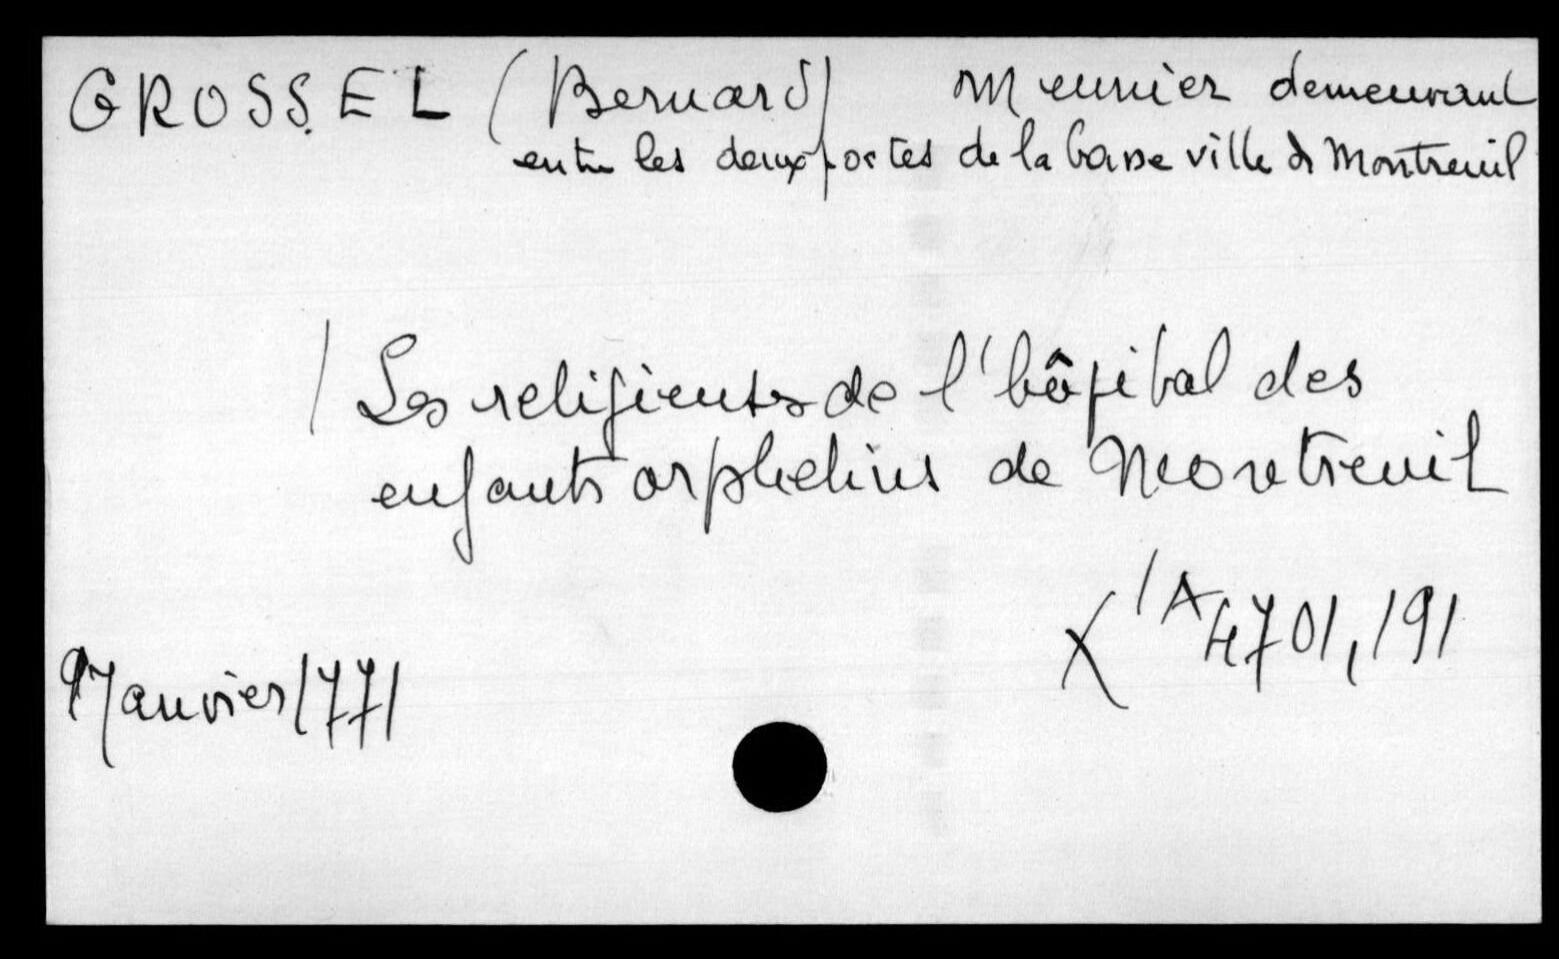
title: GROSSEL (Bernard), meunier demeurant entre les deux portes de la basse ville de Montreuil
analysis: Contre les religieuses de l'hôpital des enfants orphelins de Montreuil
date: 9 janvier 1771
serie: X1A
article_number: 4701
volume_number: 191
